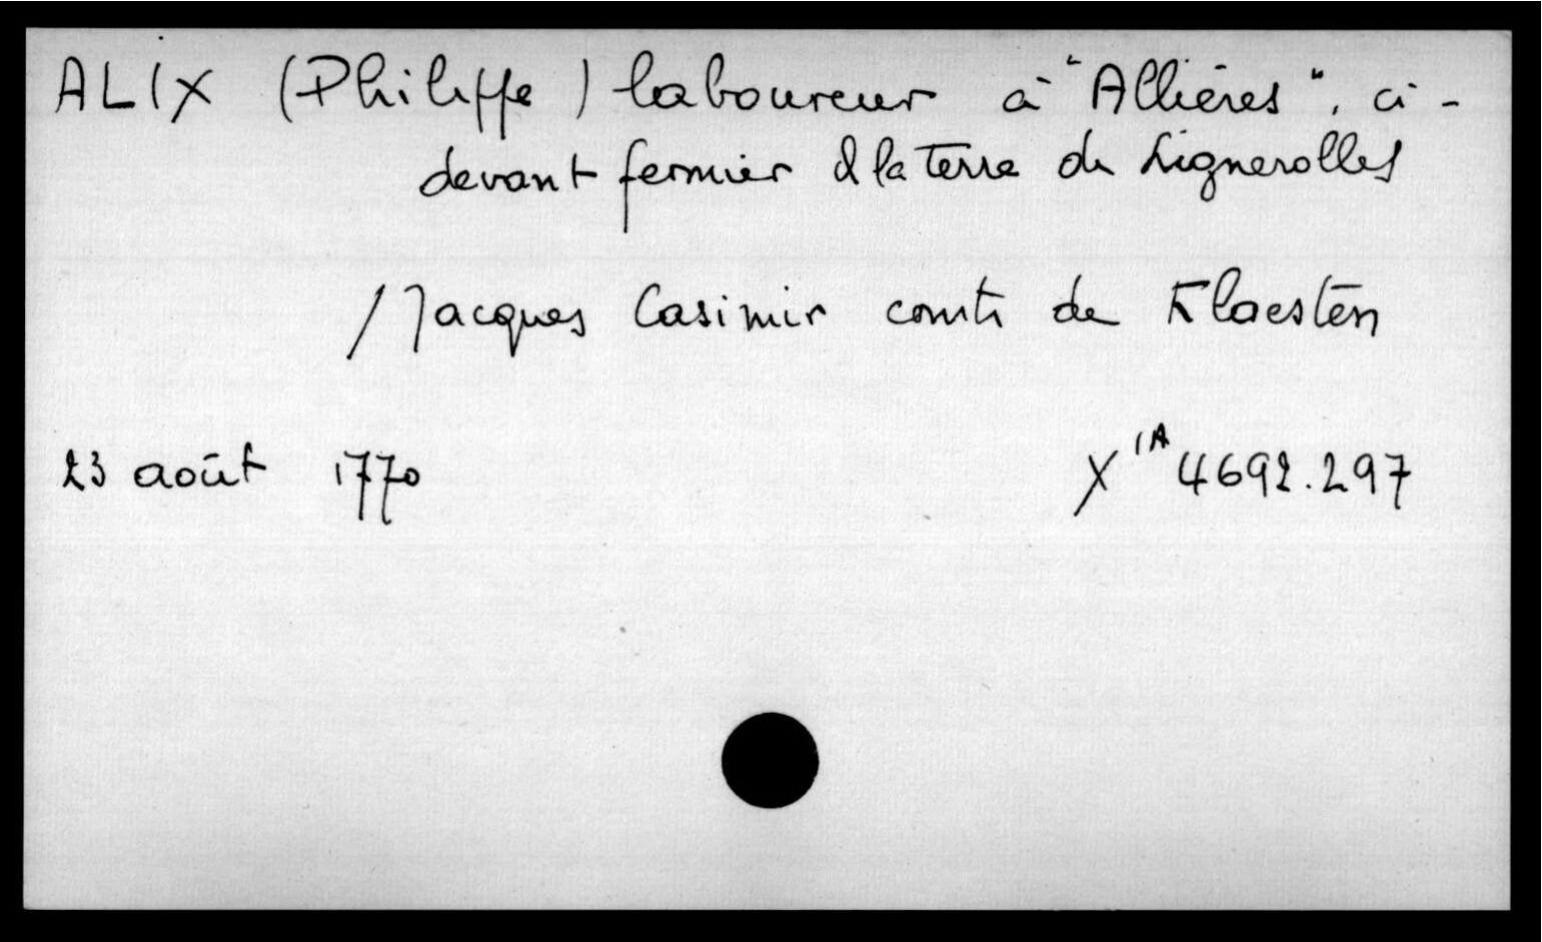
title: ALIX (Philippe) laboureur à Allières, ci-devant fermier de la terre de Lignerolles
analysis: Contre Jacques Casimir comte de Kloesten
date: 23 août 1770
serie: X1A
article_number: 4692
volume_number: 297
